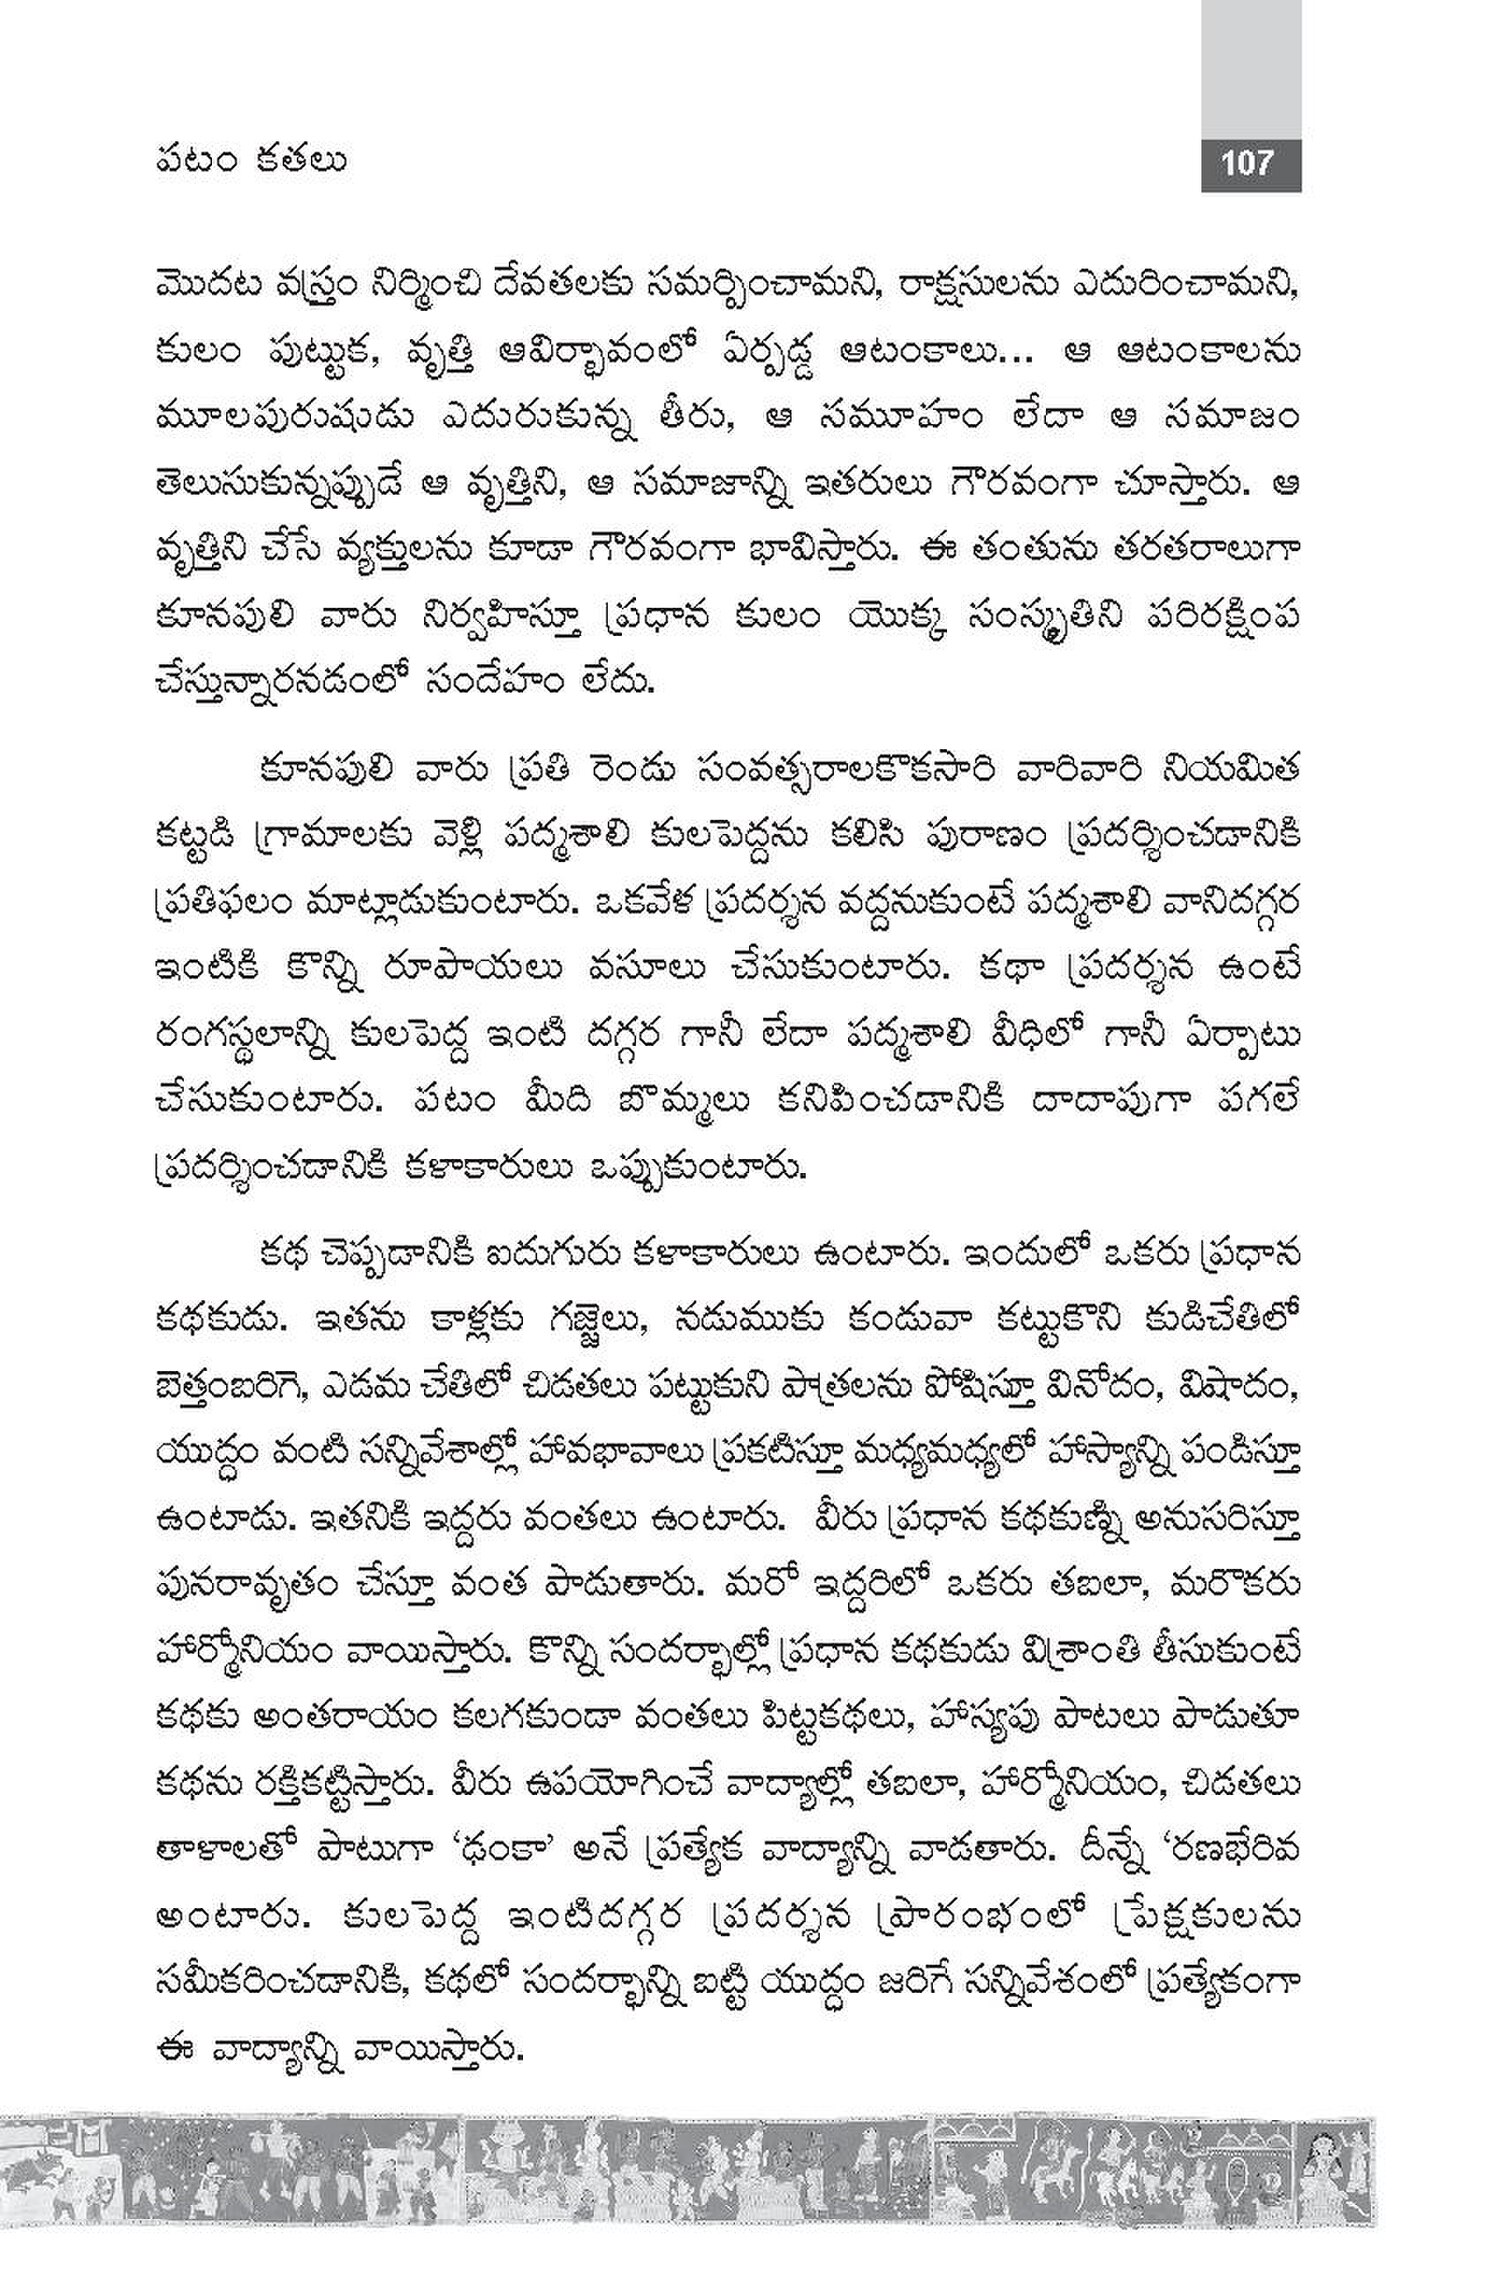మొదట వస్త్రం నిర్మించి దేవతలకు సమర్పించామని, రాక్షసులను ఎదురించామని, కులం పుట్టుక, వృత్తి ఆవిర్భావంలో ఏర్పడ్డ ఆటంకాలు... ఆ ఆటంకాలను మూలపురుషుడు ఎదురుకున్న తీరు, ఆ సమూహం లేదా ఆ సమాజం
తెలుసుకున్నప్పుడే ఆ వృత్తిని, ఆ సమాజాన్ని ఇతరులు గౌరవంగా చూస్తారు. ఆ వృత్తిని చేసే వ్యక్తులను కూడా గౌరవంగా భావిస్తారు. ఈ తంతును తరతరాలుగా కూనపులి వారు నిర్వహిస్తూ ప్రధాన కులం యొక్క సంస్కృతిని పరిరక్షింప చేస్తున్నారనడంలో సందేహం లేదు.

కూనపులి వారు ప్రతి రెండు సంవత్సరాలకొకసారి వారివారి నియమిత కట్టడి గ్రామాలకు వెళ్లి పద్మశాలి కులపెద్దను కలిసి పురాణం ప్రదర్శించడానికి ప్రతిఫలం మాట్లాడుకుంటారు. ఒకవేళ ప్రదర్శన వద్దనుకుంటే పద్మశాలి వానిదగ్గర ఇంటికి కొన్ని రూపాయలు వసూలు చేసుకుంటారు. కథా ప్రదర్శన ఉంటే రంగస్థలాన్ని కులపెద్ద ఇంటి దగ్గర గానీ లేదా పద్మశాలి వీధిలో గానీ ఏర్పాటు చేసుకుంటారు. పటం మీది బొమ్మలు కనిపించడానికి దాదాపుగా పగలే ప్రదర్శించడానికి కళాకారులు ఒప్పుకుంటారు.

కథ చెప్పడానికి ఐదుగురు కళాకారులు ఉంటారు. ఇందులో ఒకరు ప్రధాన కథకుడు. ఇతను కాళ్లకు గజ్జెలు, నడుముకు కండువా కట్టుకొని కుడిచేతిలో బెత్తంబరిగె, ఎడమ చేతిలో చిడతలు పట్టుకుని పాత్రలను పోషిస్తూ వినోదం, విషాదం,
యుద్ధం వంటి సన్నివేశాల్లో హావభావాలు ప్రకటిస్తూ మధ్యమధ్యలో హాస్యాన్ని పండిస్తూ ఉంటాడు. ఇతనికి ఇద్దరు వంతలు ఉంటారు. వీరు ప్రధాన కథకుణ్ని అనుసరిస్తూ పునరావృతం చేస్తూ వంత పాడుతారు. మరో ఇద్దరిలో ఒకరు తబలా, మరొకరు హార్మోనియం వాయిస్తారు. కొన్ని సందర్భాల్లో ప్రధాన కథకుడు విశ్రాంతి తీసుకుంటే కథకు అంతరాయం కలగకుండా వంతలు పిట్టకథలు, హాస్యపు పాటలు పాడుతూ కథను రక్తికట్టిస్తారు. వీరు ఉపయోగించే వాద్యాల్లో తబలా, హార్మోనియం, చిడతలు తాళాలతో పాటుగా 'ఢంకా' అనే ప్రత్యేక వాద్యాన్ని వాడతారు. దీన్నే 'రణభేరిన అంటారు. కులపెద్ద ఇంటిదగ్గర ప్రదర్శన ప్రారంభంలో ప్రేక్షకులను సమీకరించడానికి, కథలో సందర్భాన్ని బట్టి యుద్ధం జరిగే సన్నివేశంలో ప్రత్యేకంగా ఈ వాద్యాన్ని వాయిస్తారు.